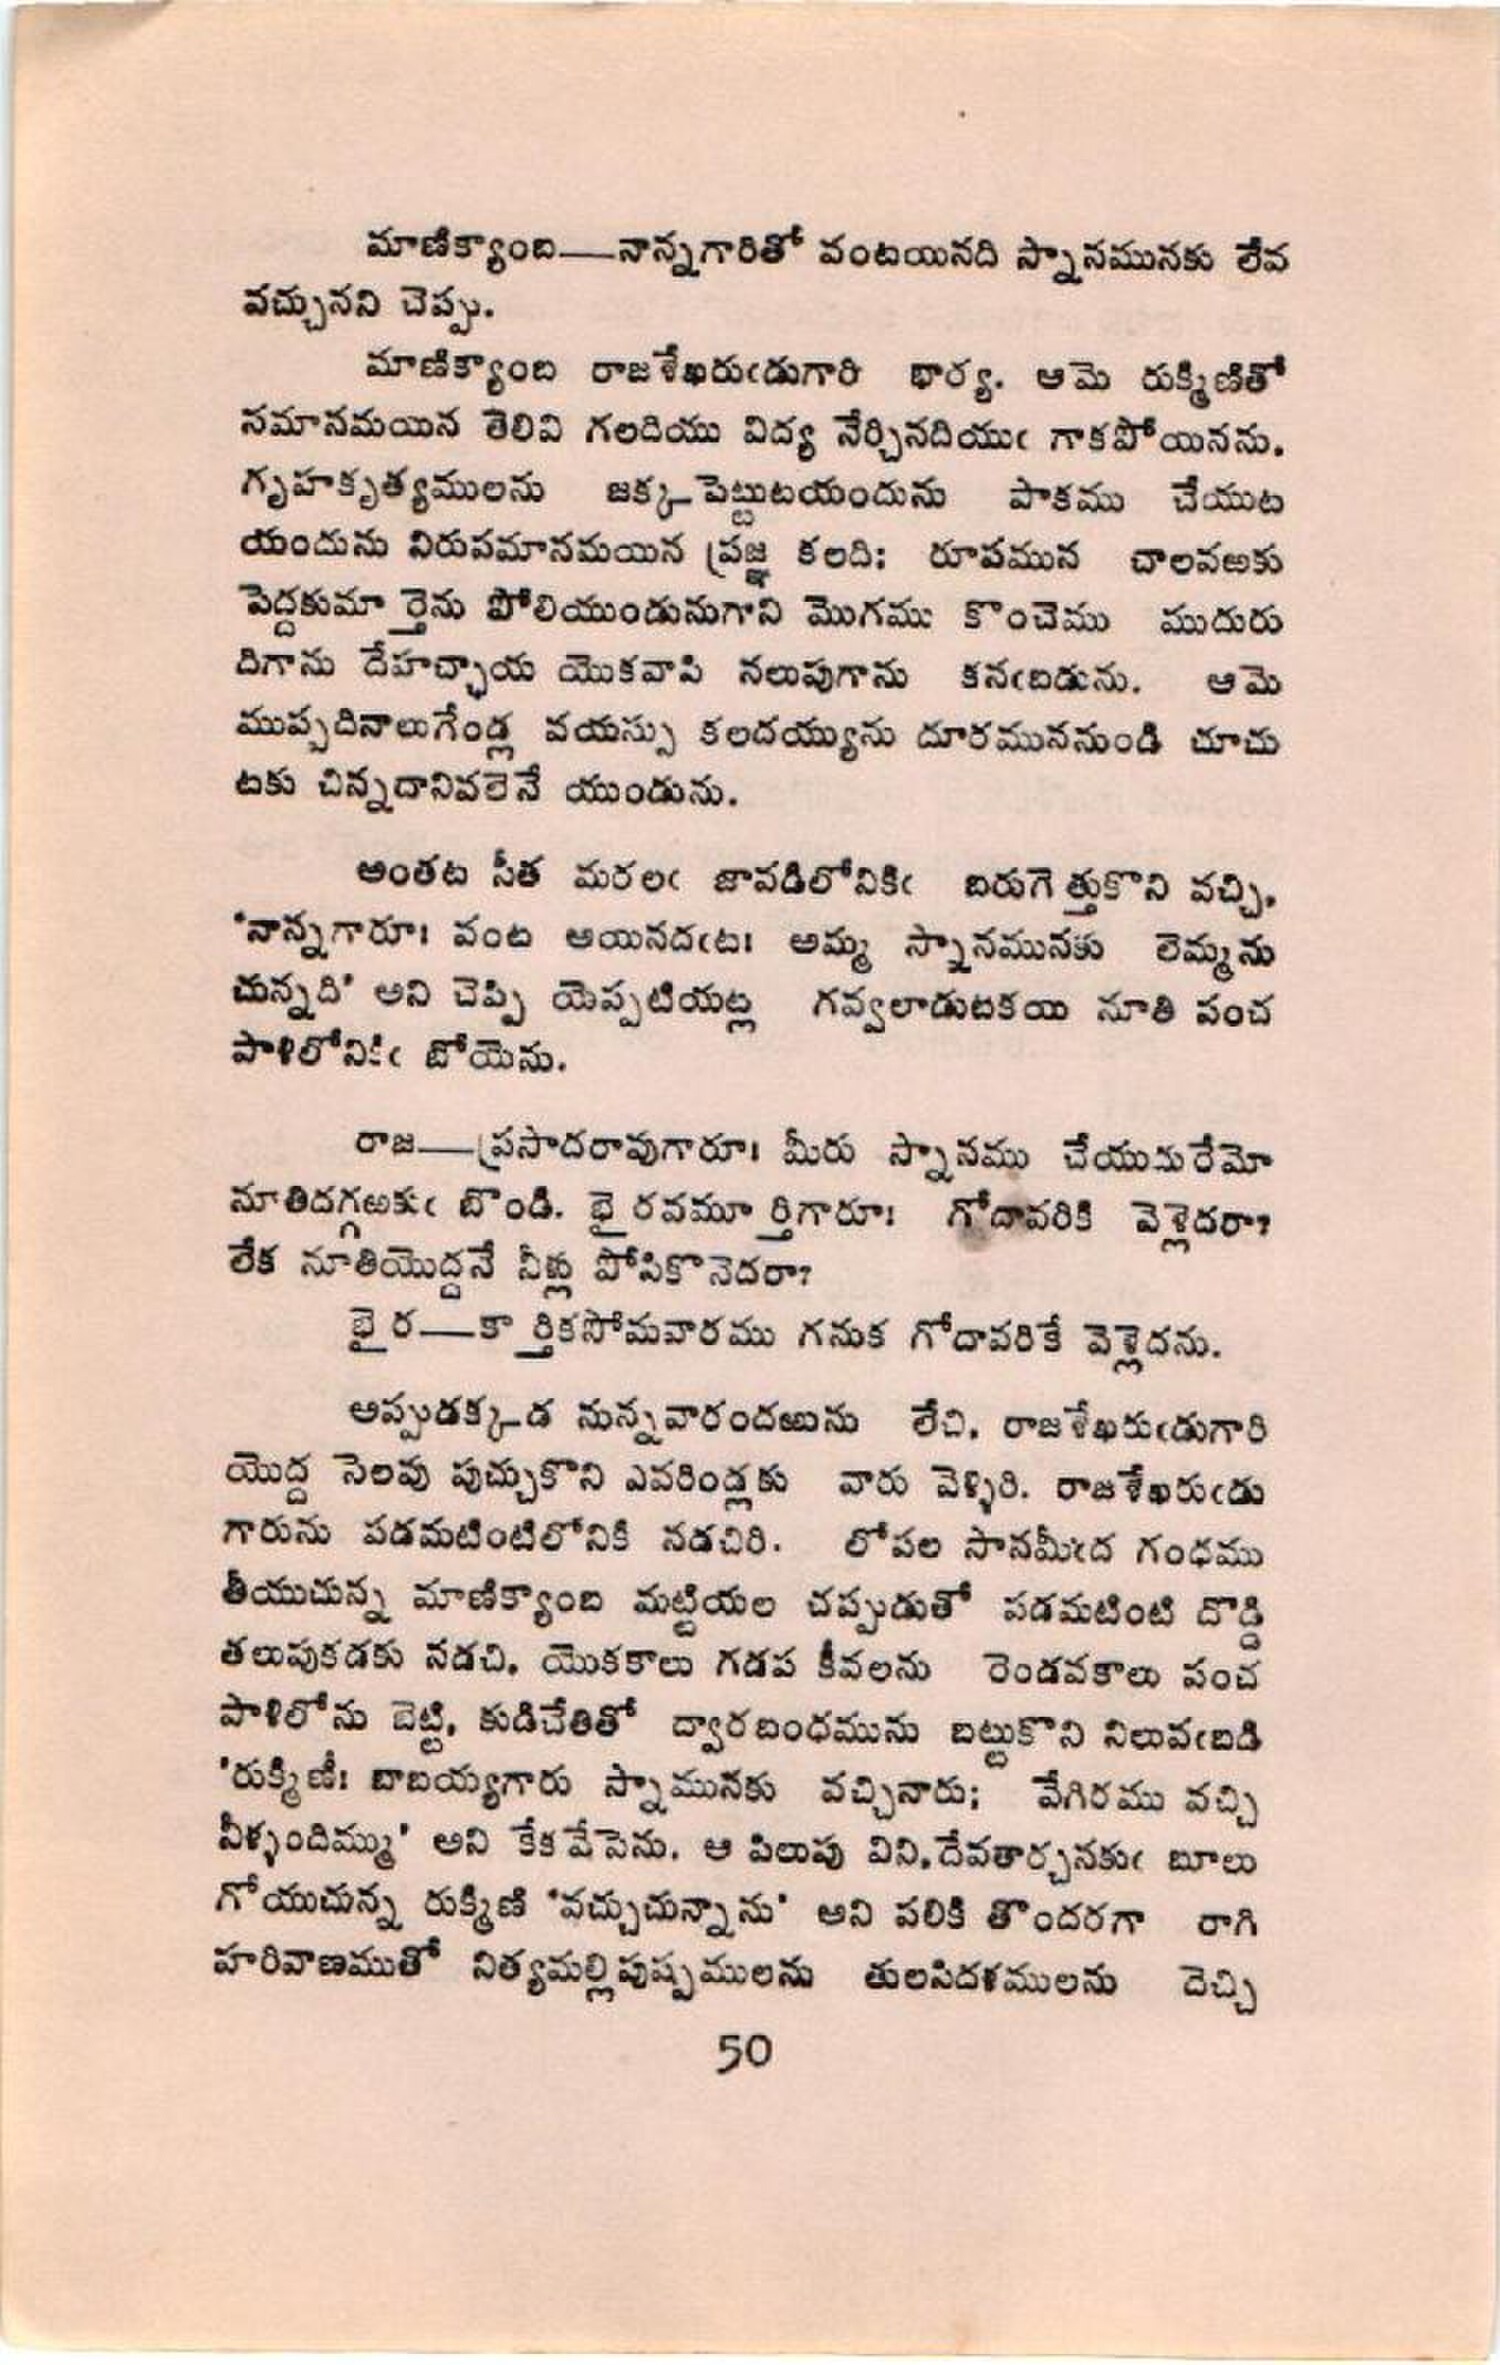మాణిక్యాంబ__నాన్నగారితో వంటయినది స్నానమునకు లేవ వచ్చునని చెప్పు.

మాణిక్యాంబ రాజశేఖరుడుగారి భార్య. ఆమె రుక్మిణితో సమానమయిన తెలివి గలదియు విద్యనేర్చినదియుఁ గాకపోయినను, గృహకృత్యములను జక్కపెట్టుటయందును పాకము చేయుట యందును నిరుపమానమయిన ప్రజ్ఞ కలది: రూపమున చాలావఱకు పెద్దకుమార్తెను పోలియుండునుగాని మొగము కొంచెము ముదురు దిగాను దేహచ్ఛాయ యొకవాసి నలుపు గాను కనబడును. ఆమె ముప్పదినాలుగేండ్ల వయస్సు కలదయ్యును దూరముననుండి చూచుటకు చిన్నదానివలెనే యుండును.

అంతట సీత మరలఁ జావడిలోనికి బరుగెత్తుకొని వచ్చి, నాన్నగారూ అమ్మ స్నానమునకు లెమ్మను చున్నది" అని చెప్పి యెప్పటియట్ల గవ్వలాడుటకయు నూతి పంచ పాళిలోనికిఁ బోయెను. 

రాజ__ప్రసాదరావుగారూ! మీరు స్నానము చేయుదురేమో నూతిదగ్గఱకుఁ బొండి. భైరవమూర్తిగారూ! గోదావరికి వెళ్లెదరా ? లేక నూతియొద్దనే నీళ్లు పోసికొనెదరా ? 

భైర__కార్తిక సోమవారము గనుక గోదావరికే వెళ్లెదను.

అప్పుడక్కడ నున్నవారందఱును లేచి, రాజశేఖరుడుగారి యొద్ద సెలవు పుచ్చుకొని ఎవరిండ్లకు వారు వెళ్ళిరి. రాజశేఖరుఁడు గారును పడమటింటిలోనికి నడచిరి. లోపల సానమీఁద గంధము తీయుచున్న మాణిక్యాంబ మట్టియల చప్పుడుతో పడమటింటి దొడ్డి తలుపుకడకు నడచి, యొకకాలు గడప కీవలను రెండవకాలు పంచ పాళిలోను బెట్టి, కుడిచేతితో ద్వారబంధమును బట్టుకొని నిలువఁబడి "రుక్మిణీ! బాబయ్యగారు స్నామునకు వచ్చినారు; వేగిరము వచ్చి నీళ్ళందిమ్ము" అని కేకవేసెను. ఆ పిలుపు విని, దేవతార్చనకుఁ బూలు గోయుచున్న రుక్మిణి 'వచ్చుచున్నాను' అని పలికి తొందరగా రాగి హరివాణముతో నిత్యమల్లిపుష్పములను తులసిదళములను దెచ్చి